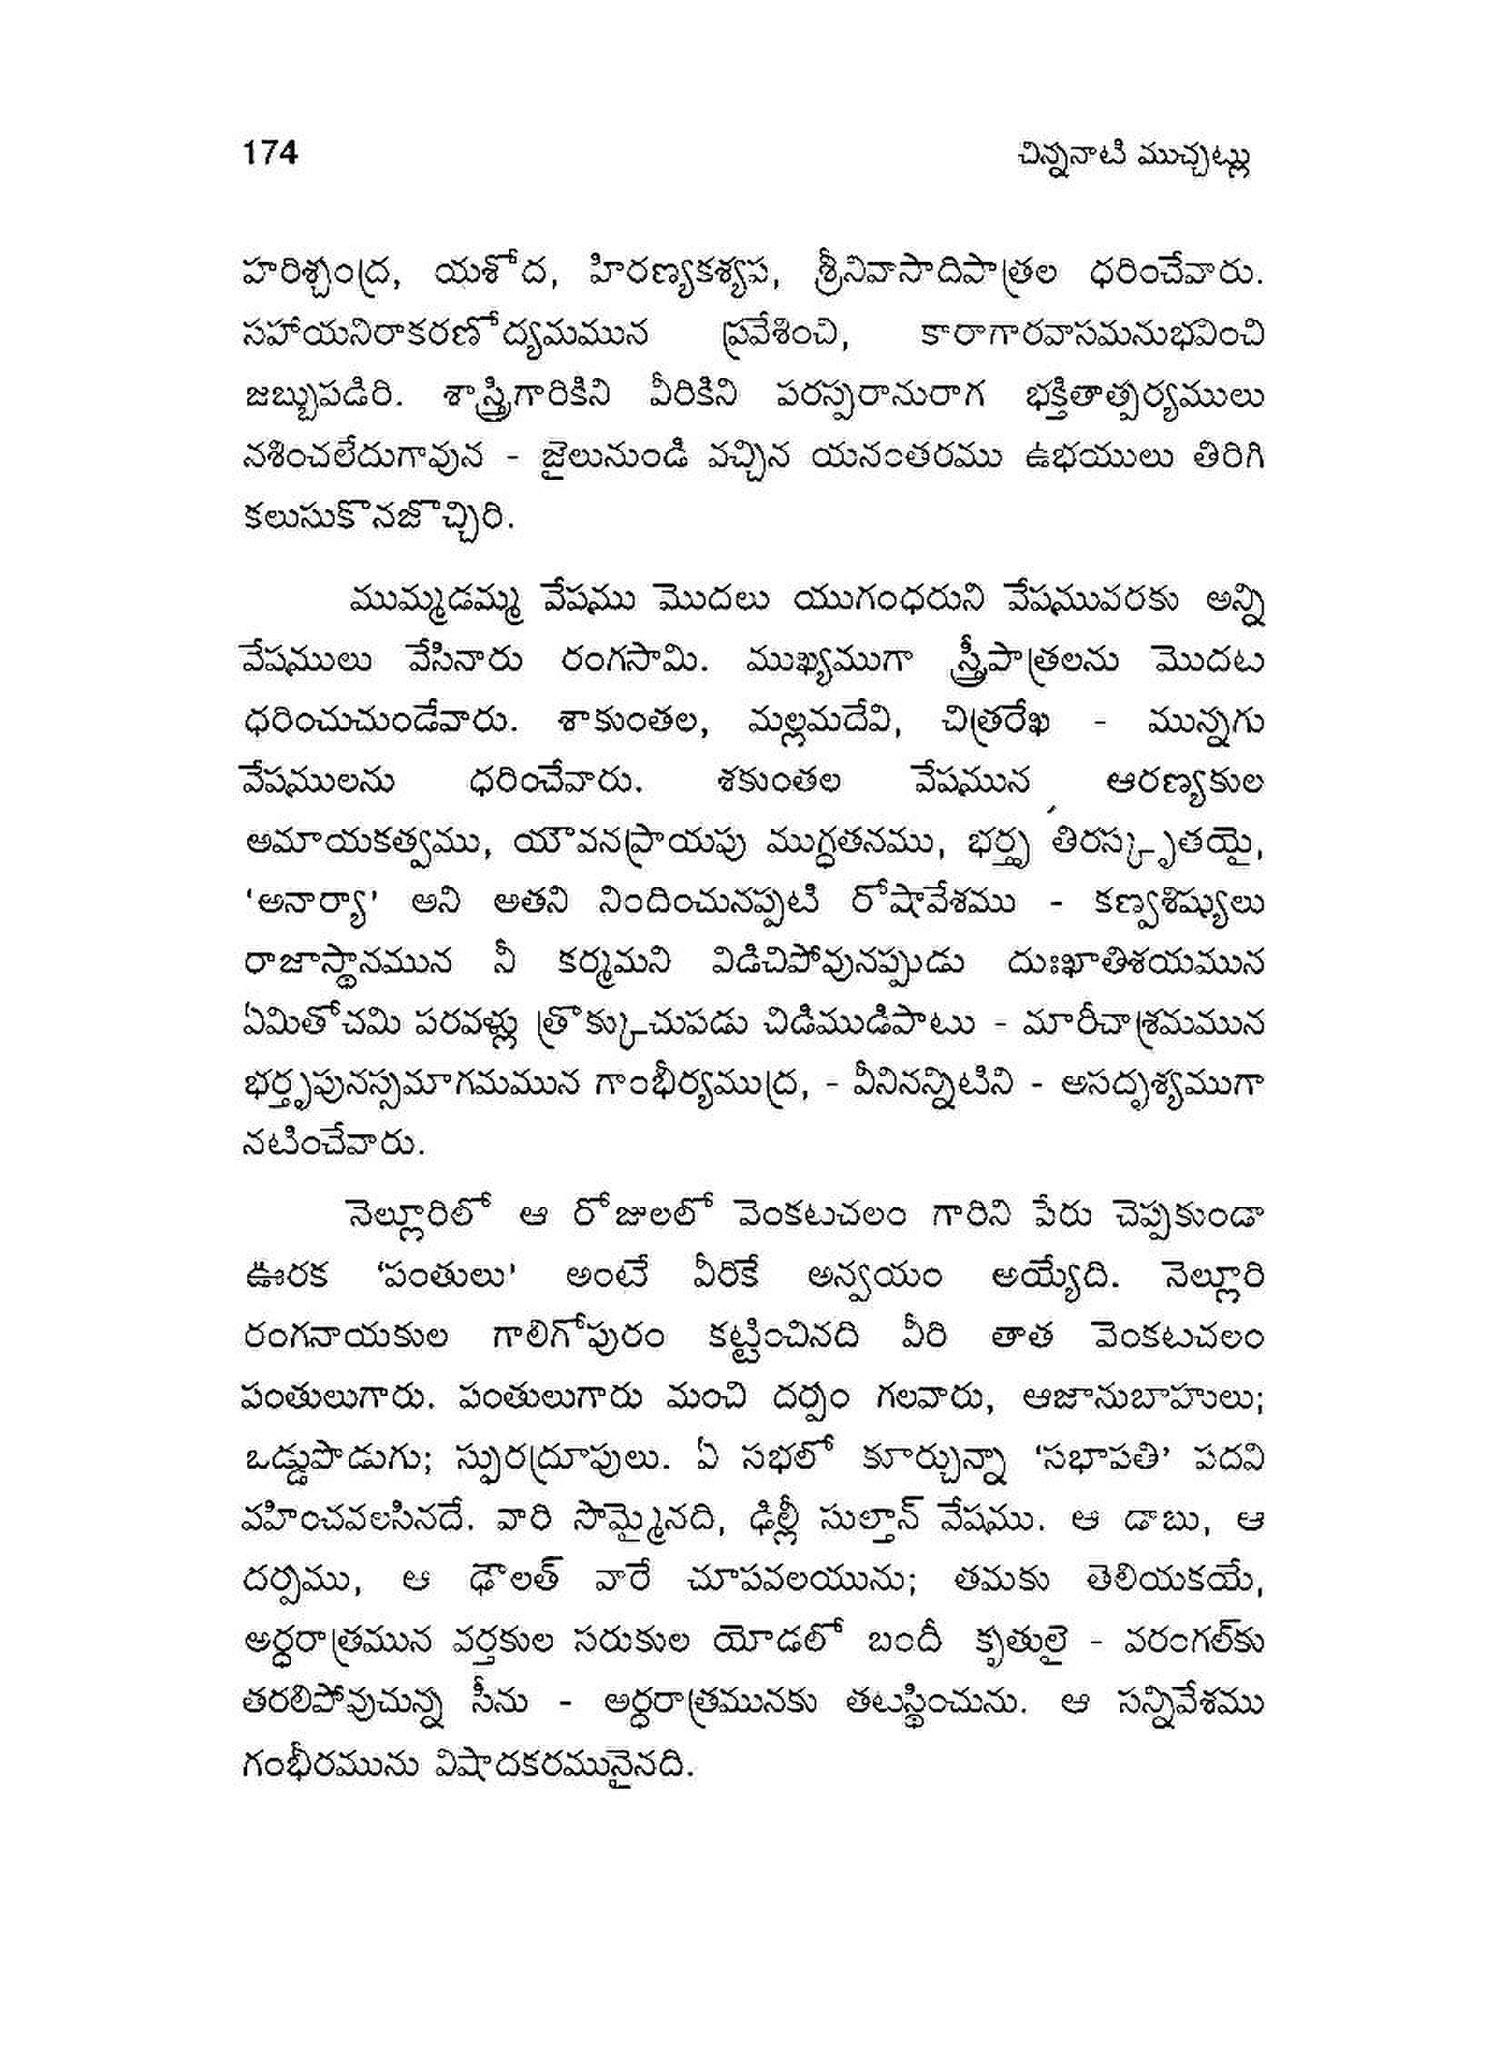హరిశ్చంద్ర, యశోద, హిరణ్యకశ్యప, శ్రీనివాసాదిపాత్రల ధరించేవారు. సహాయనిరాకరణోద్యమమున ప్రవేశించి, కారాగారవాసమనుభవించి జబ్బుపడిరి. శాస్త్రిగారికిని వీరికిని పరస్పరానురాగ భక్తితాత్పర్యములు నశించలేదుగావున - జైలునుండి వచ్చిన యనంతరము ఉభయులు తిరిగి కలుసుకొనజొచ్చిరి.

ముమ్మడమ్మ వేషము మొదలు యుగంధరుని వేషమువరకు అన్ని వేషములు వేసినారు రంగసామి. ముఖ్యముగా స్త్రీపాత్రలను మొదట ధరించుచుండేవారు. శాకుంతల, మల్లమదేవి, చిత్రరేఖ - మున్నగు వేషములను ధరించేవారు. శకుంతల వేషమున ఆరణ్యకుల అమాయకత్వము, యావనప్రాయపు ముగ్ధతనము, భర్త తిరస్కృతయై, 'అనార్యా' అని అతని నిందించునప్పటి రోషావేశము - కణ్వశిష్యులు రాజాస్థానమున నీ కర్మమని విడిచిపోవునప్పడు దుఃఖాతిశయమున ఏమితోచమి పరవళ్లు త్రొక్కుచుపడు చిడిముడిపాటు - మారీచాశ్రమమున భర్తృపునస్సమాగమమున గాంభీర్యముద్ర, - వీనినన్నిటిని - అసదృశ్యముగా నటించేవారు.

నెల్లూరిలో ఆ రోజులలో వెంకటచలం గారిని పేరు చెప్పకుండా ఊరక ‘పంతులు' అంటే వీరికే అన్వయం అయ్యేది. నెల్లూరి రంగనాయకుల గాలిగోపురం కట్టించినది వీరి తాత వెంకటచలం పంతులుగారు. పంతులుగారు మంచి దర్పం గలవారు, ఆజానుబాహులు; ఒడ్డుపాడుగు; స్ఫురద్రూపులు. ఏ సభలో కూర్చున్నా 'సభాపతి' పదవి వహించవలసినదే. వారి సొమ్మైనది, ఢిల్లీ సుల్తాన్ వేషము. ఆ డాబు, ఆ దర్పము, ఆ డౌలత్ వారే చూపవలయును; తమకు తెలియకయే, అర్ధరాత్రమున వర్తకుల సరుకుల యోడలో బందీ కృతులై - వరంగల్కు తరలిపోవుచున్న సీను - అర్ధరాత్రమునకు తటస్థించును. ఆ సన్నివేశము గంభీరమును విషాదకరమునైనది.